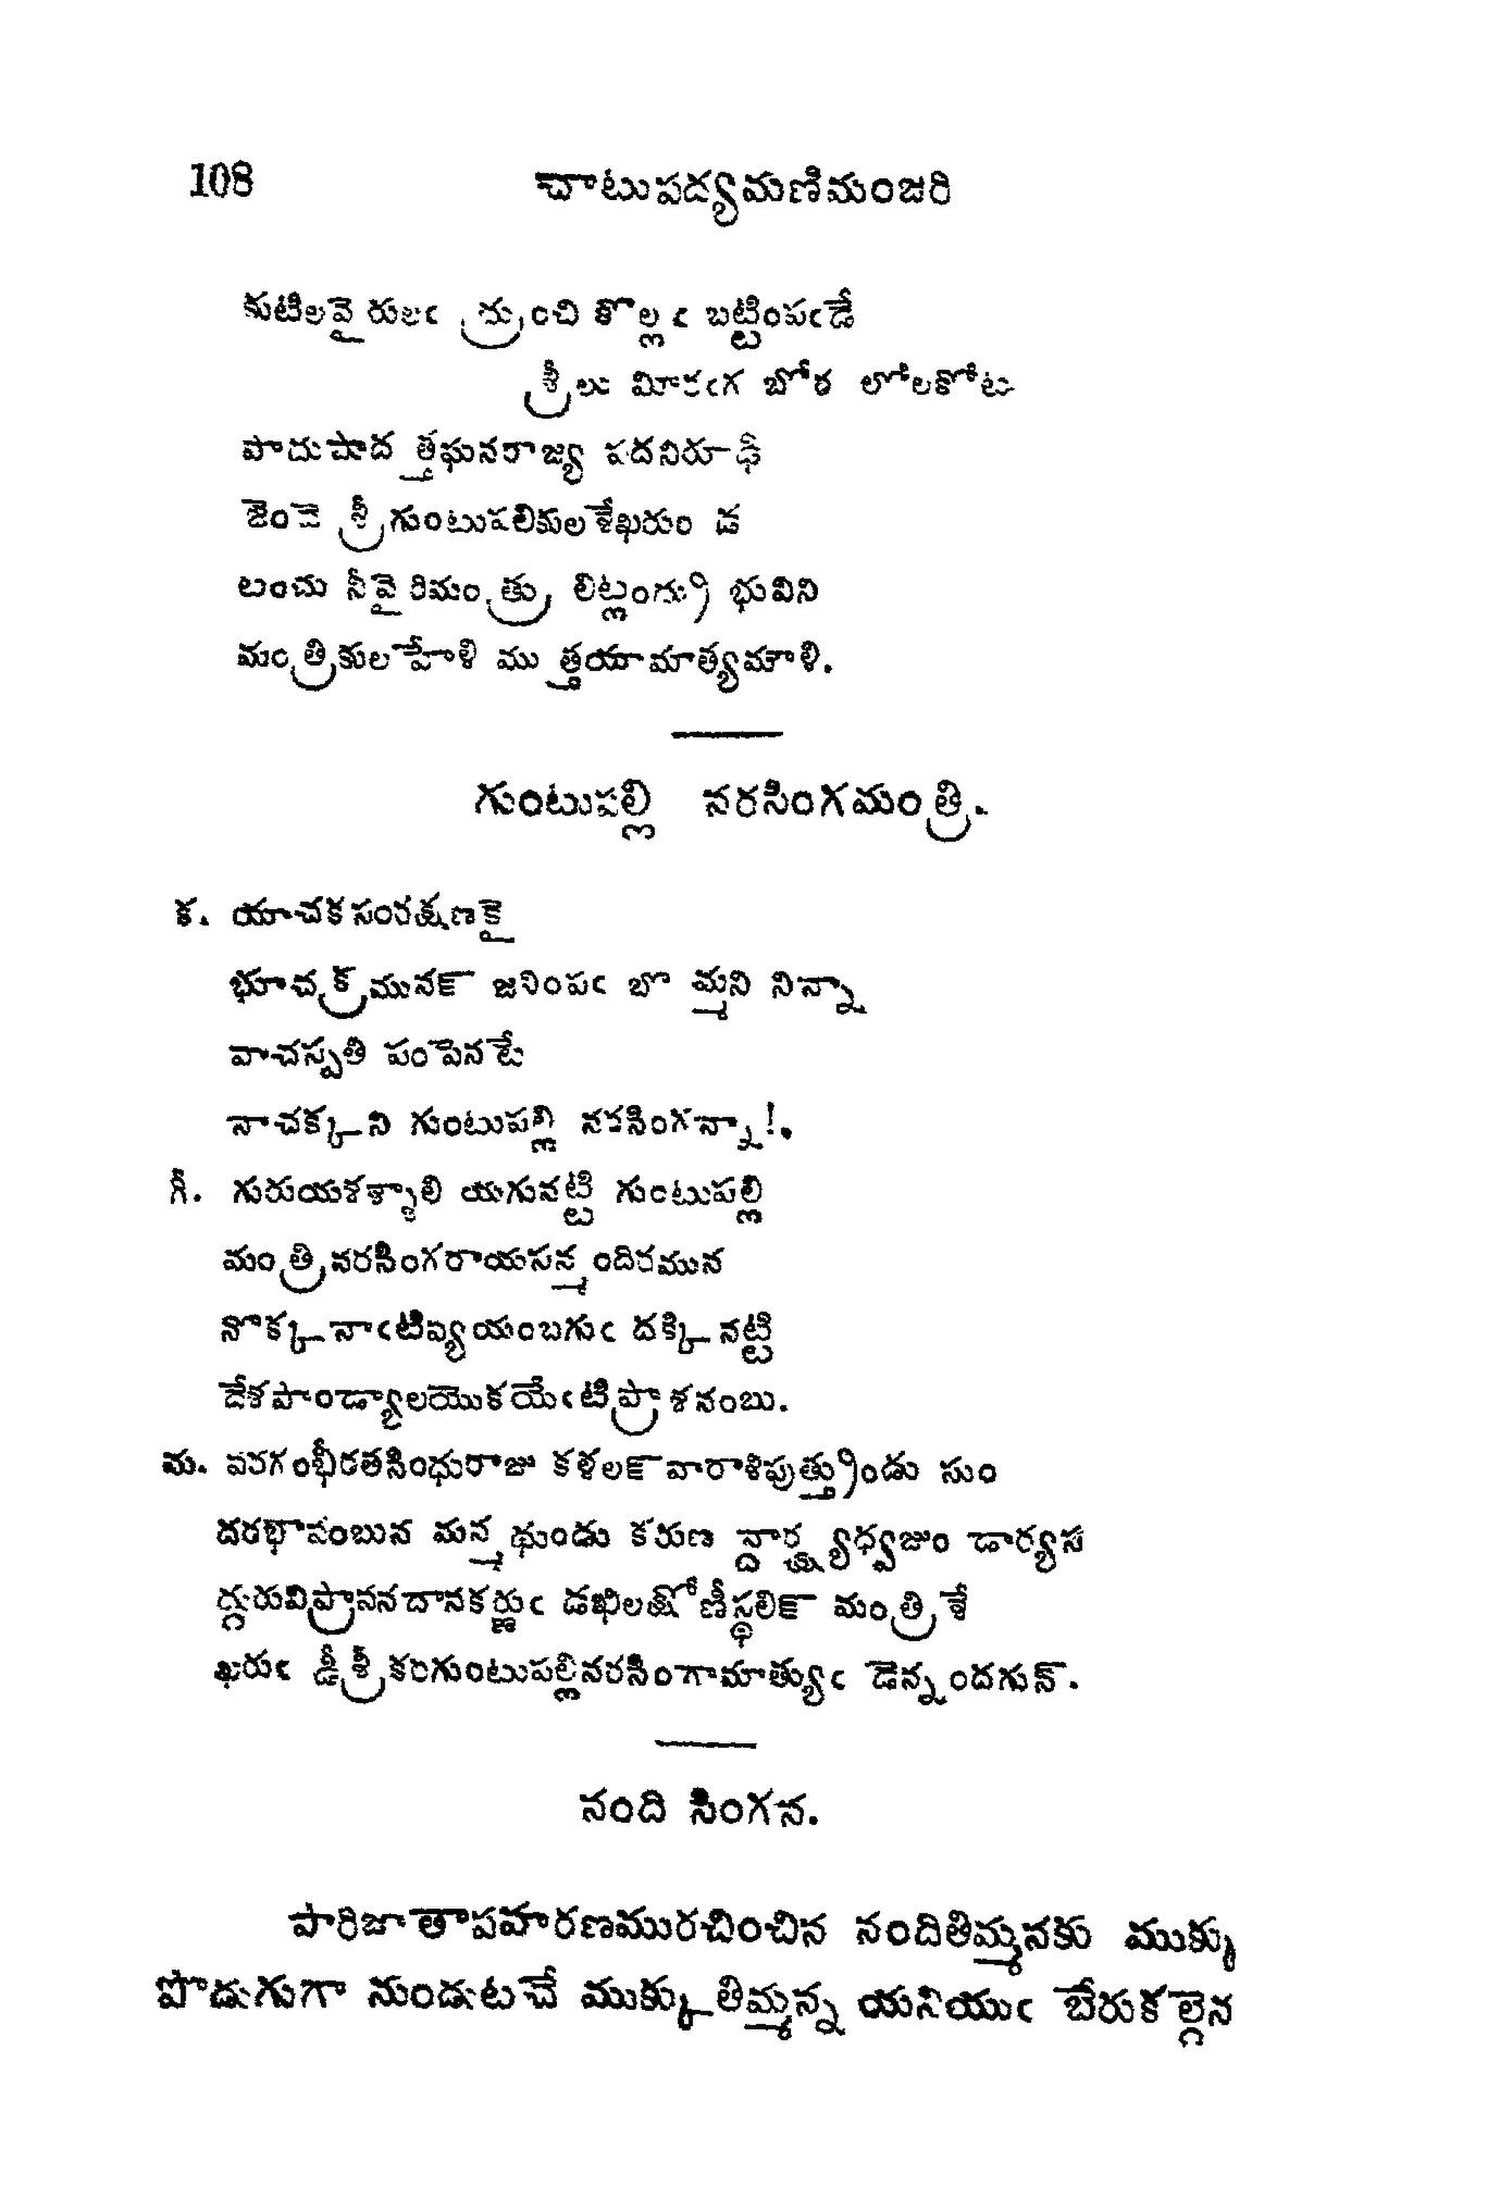కుటిలవైరులఁ ద్రుంచి కొల్లఁ బట్టింపఁడే
 శ్రీలు మీరఁగ బోర లోలకోట
గీ. పాదుషాదత్తఘనరాజ్యపదనిరూఢిఁ
 జెందె శ్రగుంటుపలికులశేఖరుం డ
 టంటు నీవైరిమంత్రు లిట్లంద్రు భువిని
 మంత్రికులహేళి ముత్తయామాత్యమౌళి.

క. యాచకసంరక్షణకై
 భూచక్రమునన్ జనింపఁ బొ మ్మని నిన్నా
 వాచస్పతి పంపెనటే
 నాచక్కని గుంటుపల్లి నరసింగన్నా!
గీ. గురుయశశ్శాలి యగునట్టి గుంటుపల్లి
 మంత్రినరసింగరాయసన్మందిరమున
 నొక్కనాఁటివ్యయంబగుఁ దక్కినట్టి
 దేశపాండ్యాల యొకయేఁటిప్రాశనంబు.
మ. వరగంభీరతసింధురాజు కళలన్ వారాశిపుత్త్రుండు సుం
 దరభావంబున మన్మథుండు కరుణ న్దార్క్ష్యధ్వజుం డార్యస
 ద్గురునిప్రావనదానకర్ణుఁ డఖిలక్షోణీస్థలిన్ మంత్రిశే
 ఖరుఁ డీశ్రీకరగుంటుపల్లినరసింగామాత్యుఁ డెన్నందగున్.

పారిజాతాపహరణమును రచించిన నందితిమ్మనకు ముక్కు పొడుగుగా నుండుటచే ముక్కుతిమ్మన్న యనియుఁ బేరుకల్గెను.